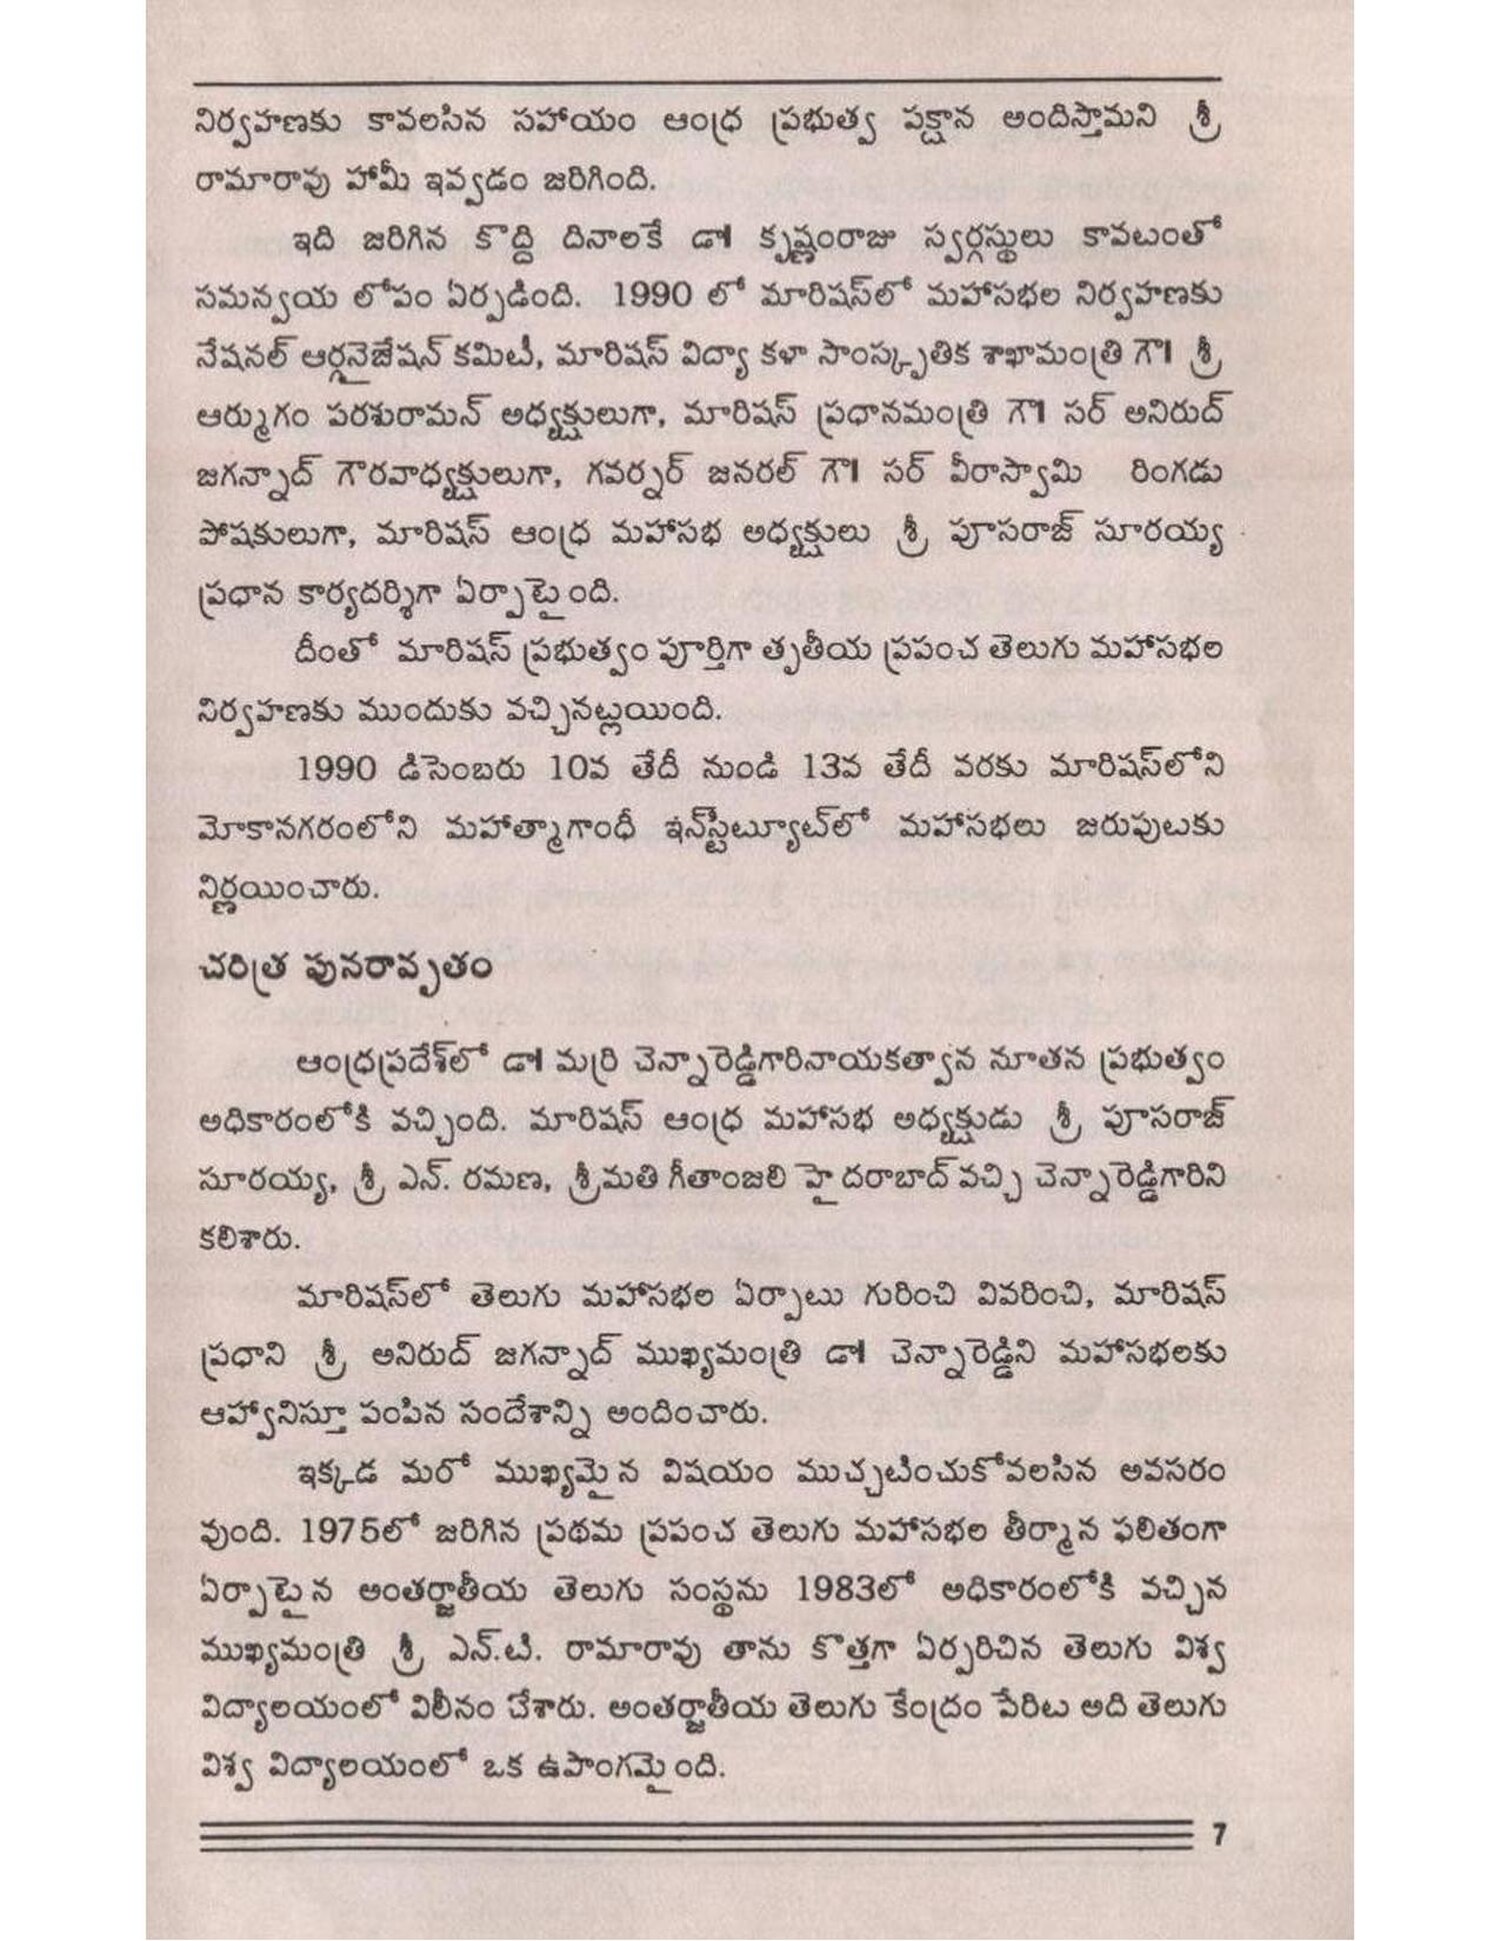నిర్వహణకు కావలసిన సహాయం ఆంధ్ర ప్రభుత్వ పక్షాన అందిస్తామని శ్రీ రామారావు హామీ ఇవ్వడం జరిగింది.

ఇది జరిగిన కొద్ది దినాలకే డా॥ కృష్ణంరాజు స్వర్గస్థులు కావటంతో సమన్వయ లోపం ఏర్పడింది. 1990 లో మారిషస్‌లో మహాసభల నిర్వహణకు నేషనల్ ఆర్గనైజేషన్ కమిటీ, మారిషస్ విద్యా కళా సాంస్కృతిక శాఖామంత్రి గౌ॥ శ్రీ ఆర్ముగం పరశురామన్ అధ్యక్షులుగా, మారిషస్ ప్రధానమంత్రి గౌ॥ సర్ అనిరుద్ జగన్నాద్ గౌరవాధ్యక్షులుగా, గవర్నర్ జనరల్ గౌ॥ సర్ వీరాస్వామి రింగడు పోషకులుగా, మారిషస్ ఆంధ్ర మహాసభ అధ్యక్తులు శ్రీ పూసరాజ్ సూరయ్య ప్రధాన కార్యదర్శిగా ఏర్పాటైంది.

దీంతో మారిషస్ ప్రభుత్వం పూర్తిగా తృతీయ ప్రపంచ తెలుగు మహాసభల నిర్వహణకు ముందుకు వచ్చినట్లయింది.

1990 డిసెంబరు 10వ తేదీ నుండి 13వ తేదీ వరకు మారిషస్‌లోని మోకానగరంలోని మహాత్మాగాంధీ ఇన్‌స్టిట్యూట్‌లో మహాసభలు జరుపుటకు నిర్ణయించారు.

చరిత్ర పునరావృతం

ఆంధ్రప్రదేశ్‌లో డా॥ మర్రి చెన్నారెడ్డిగారినాయకత్వాన నూతన ప్రభుత్వం అధికారంలోకి వచ్చింది. మారిషస్ ఆంధ్ర మహాసభ అధ్యక్షుడు శ్రీ పూసరాజ్ సూరయ్య, శ్రీ ఎన్. రమణ, శ్రీమతి గీతాంజలి హైదరాబాద్ వచ్చి చెన్నారెడ్డిగారిని కలిశారు.

మారిషస్‌లో తెలుగు మహాసభల ఏర్పాటు గురించి వివరించి, మారిషస్ ప్రధాని శ్రీ అనిరుద్ జగన్నాద్ ముఖ్యమంత్రి డా. చెన్నారెడ్డిని మహాసభలకు ఆహ్వానిస్తూ పంపిన సందేశాన్ని అందించారు.

ఇక్కడ మరో ముఖ్యమైన విషయం ముచ్చటించుకోవలసిన అవసరం వుంది. 1975లో జరిగిన ప్రథమ ప్రపంచ తెలుగు మహాసభల తీర్మాన ఫలితంగా ఏర్పాటైన అంతర్జాతీయ తెలుగు సంస్థను 1983లో అధికారంలోకి వచ్చిన ముఖ్యమంత్రి శ్రీ ఎన్.టి. రామారావు తాను కొత్తగా ఏర్పరిచిన తెలుగు విశ్వ విద్యాలయంలో విలీనం చేశారు. అంతర్జాతీయ తెలుగు కేంద్రం పేరిట అది తెలుగు విశ్వ విద్యాలయంలో ఒక ఉపాంగమైంది.